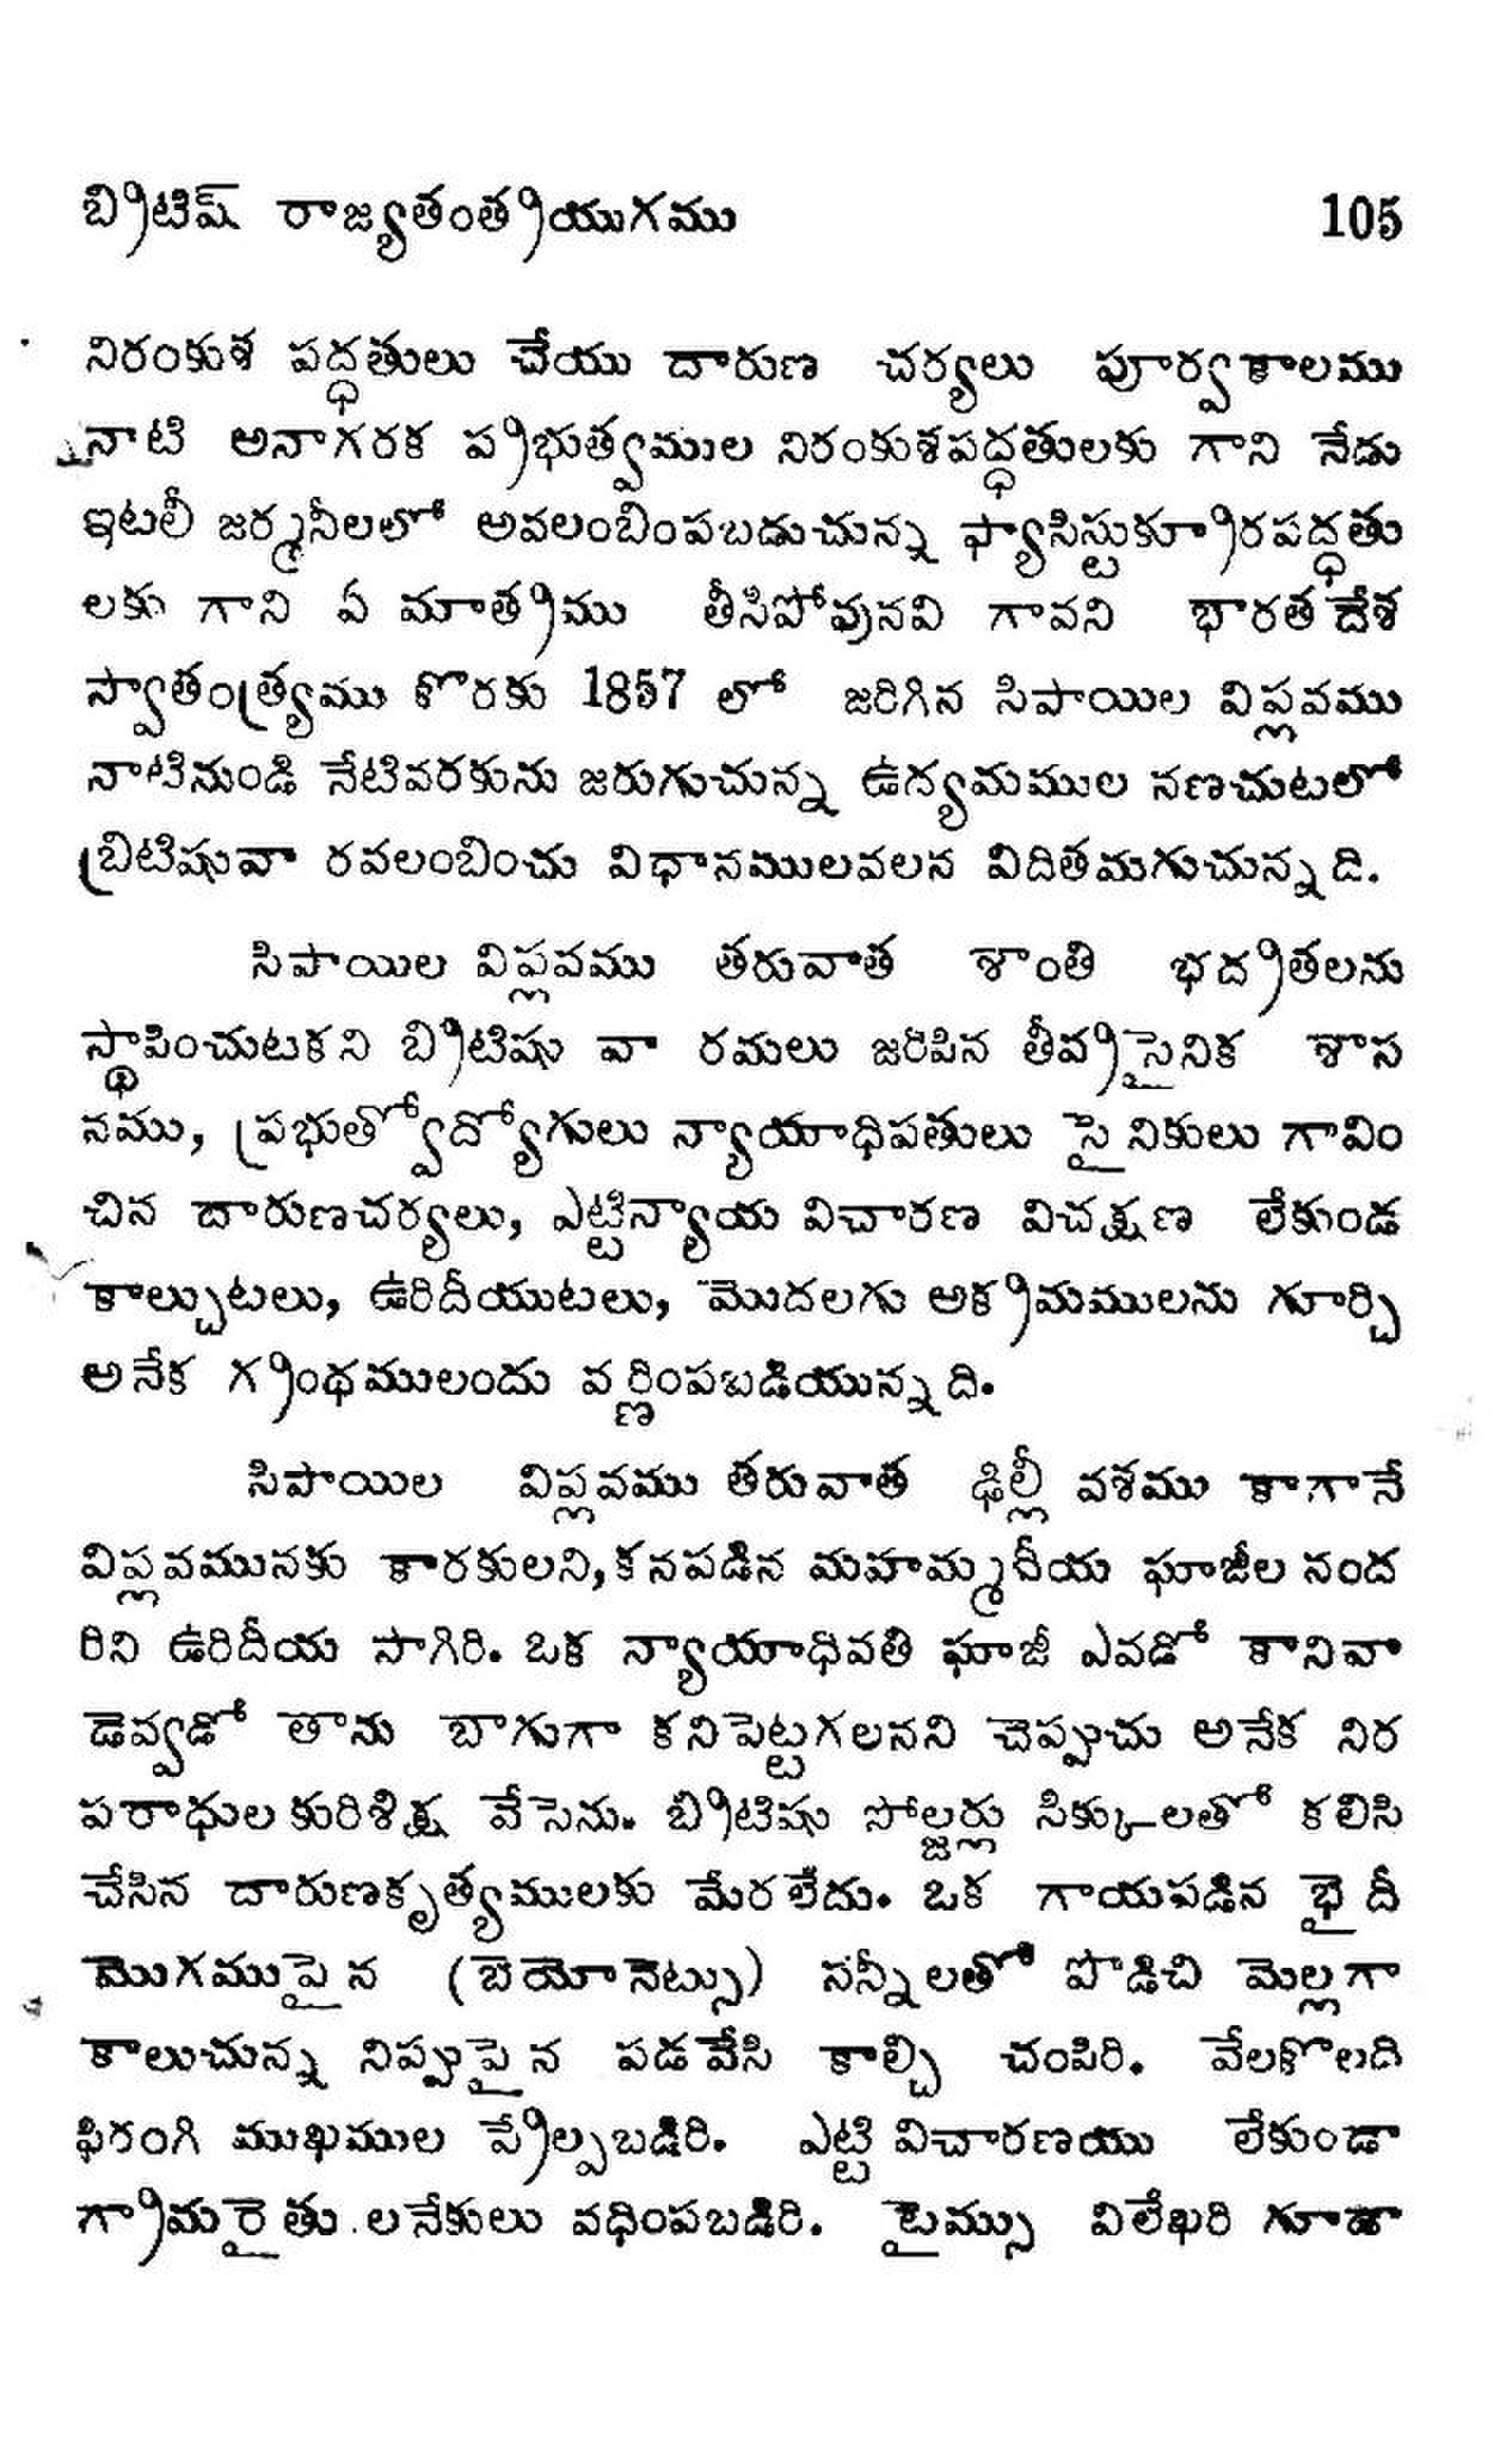నిరంకుశ పద్దతులు చేయు దారుణ చర్యలు పూర్వకాలము నాటి అనాగరక ప్రభుత్వముల నిరంకుశపద్ధతులకు గాని నేడు ఇటలీ జర్మనీలలో అవలంబింపబడుచున్న ఫ్యాసిస్టుక్రూరపద్దతులకు గాని ఏ మాత్రము తీసిపోవునవి గావని భారతదేశ స్వాతంత్ర్యము కొరకు 1857 లో జరిగిన సిపాయిల విప్లవము నాటినుండి నేటివరకును జరుగుచున్న ఉద్యమముల నణచుటలో బ్రిటిషువా రవలంబించు విధానములవలన విదితమగుచున్నది.

సిపాయిల విప్లవము తరువాత శాంతి భద్రతలను స్థాపించుటకని బ్రిటిషు వా రమలు జరిపిన తీవ్రసైనిక శాసనము, ప్రభుత్వోద్యోగులు న్యాయాధిపతులు సైనికులు గావించిన దారుణచర్యలు, ఎట్టిన్యాయ విచారణ విచక్షణ లేకుండ కాల్చుటలు, ఉరిదీయుటలు, మొదలగు అక్రమములను గూర్చి అనేక గ్రంథములందు వర్ణింపబడియున్నది.

సిపాయిల విప్లవము తరువాత ఢిల్లీ వశము కాగానే విప్లవమునకు కారకులని, కనపడిన మహమ్మదీయ ఘాజీల నందరిని ఉరిదీయ సాగిరి. ఒక న్యాయాధిపతి ఘాజీ ఎవడో కానివాడెవ్వడో తాను బాగుగా కనిపెట్టగలనని చెప్పుచు అనేక నిరపరాధుల కురిశిక్ష వేసెను. బ్రిటిషు సోల్జర్లు సిక్కులతో కలిసి చేసిన దారుణకృత్యములకు మేరలేదు. ఒక గాయపడిన ఖైదీ మొగముపైన (బెయోనెట్సు) సన్నీలతో పొడిచి మెల్లగా కాలుచున్న నిప్పుపైన పడవేసి కాల్చి చంపిరి. వేలకొలది ఫిరంగి ముఖముల ప్రేల్పబడిరి. ఎట్టివిచారణయు లేకుండా గ్రామరైతు లనేకులు వధింపబడిరి. టైమ్సు విలేఖరి గూడా